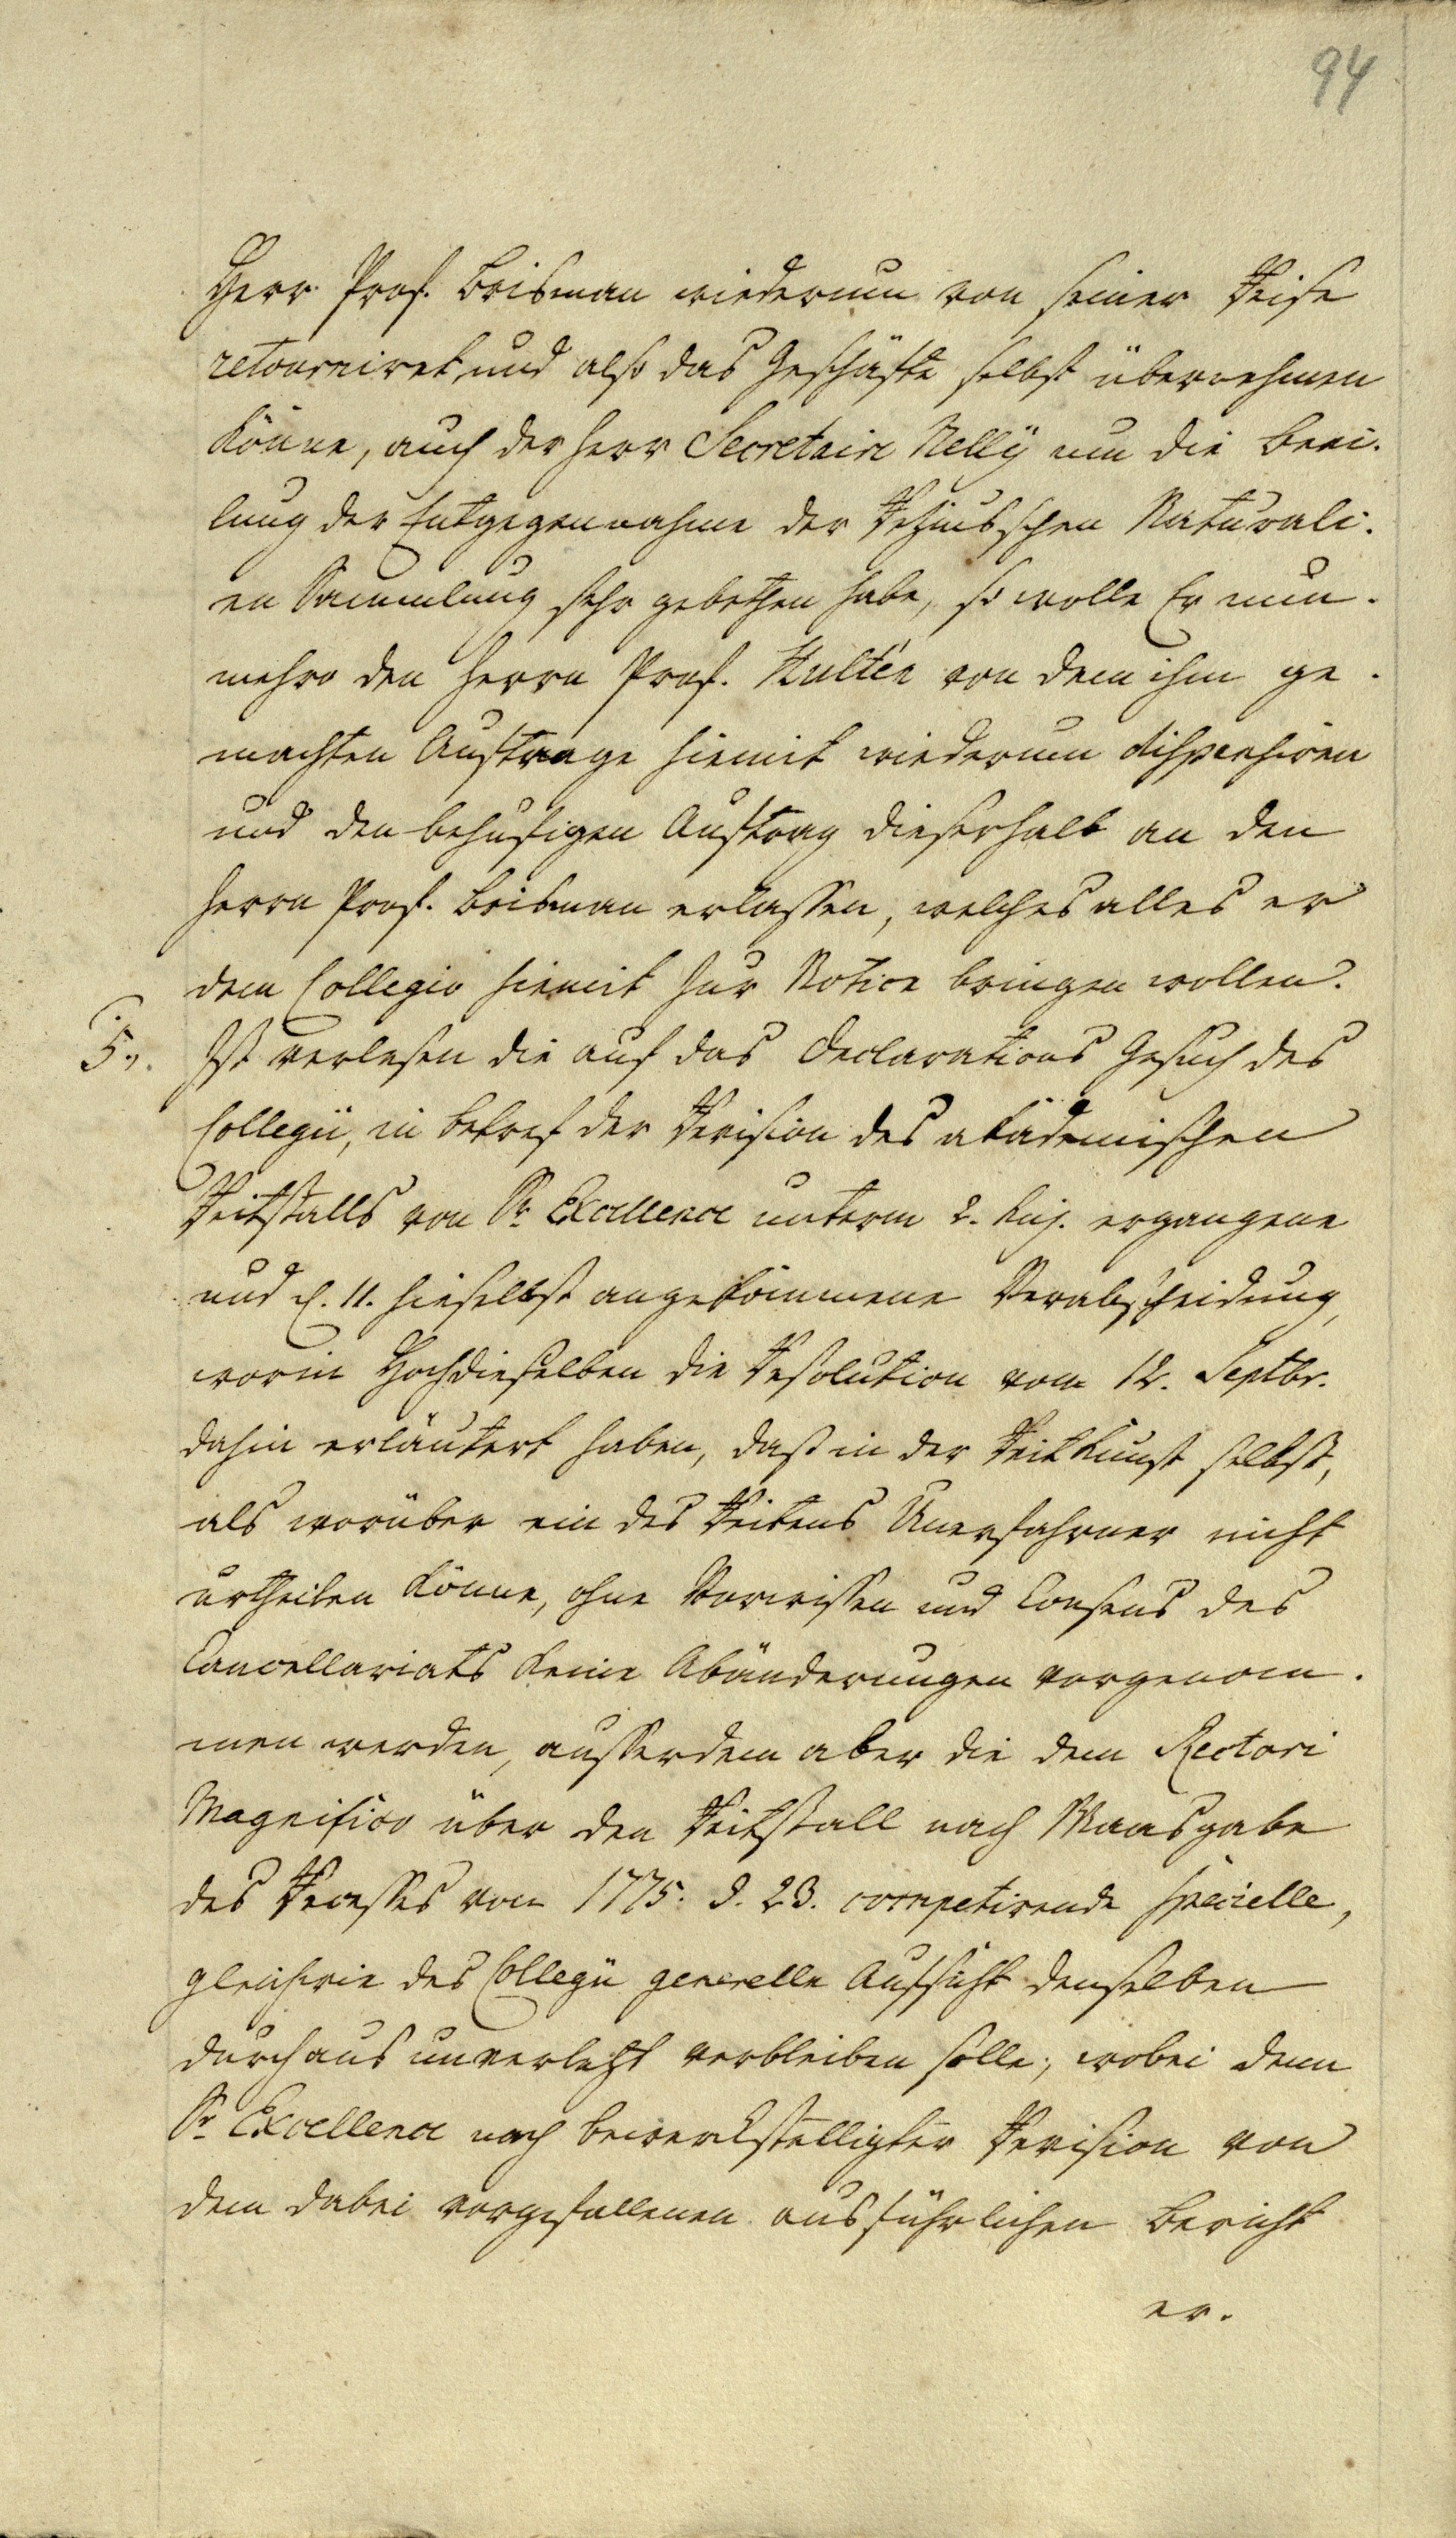Herr Prof. Brisman wiederum von seiner Reise
retourniret und also das Geschäfte selbst übernehmen
könne, auch der Herr Secretaire Nellÿ um die Beei¬
lung der Entgegennahme der Reziusschen Naturali¬
en Sammlung sehr gebethen habe, so wolle Er nun¬
mehr den Herrn Prof. Hultén von dem ihm ge¬
machten Auftrage hiemit wiederum dispensiren
und den behufigen Auftrag dieserhalb an den
Herrn Prof. Brisman erlassen, welches alles er
dem Collegio hiemit zur Notice bringen wollen.
5., Ist verlesen die auf das Declarations Gesuch des
Collegii, in Betref der Revision des akademischen
Reitstalls von Sr Excellence unterm 2. huj. ergangene
und d. 11. hieselbst angekommene Verabscheidung
worin Hochdieselben die Resolution vom 12. Septbr.
dahin erläutert haben, daß in der Reitkunst selbst,
als worüber ein des Reitens Unerfahrner nicht
urtheilen könne, ohne Vorwissen und Consens des
Cancellariats keine Abänderungen vorgenom¬
men werden, ausserdem aber die dem Rectori
Magnifico über den Reitstall nach Maasgabe
des Recesses von 1775. §. 23. competirende specielle,
gleichwie des Collegii genenrelle Aufsicht denselben
durchaus unverletzt verbleiben solle, wobei dem
Sr Excellence nach bewerkstelligter Revision von
dem dabei vorgefallenen ausführlichen Bericht
er¬